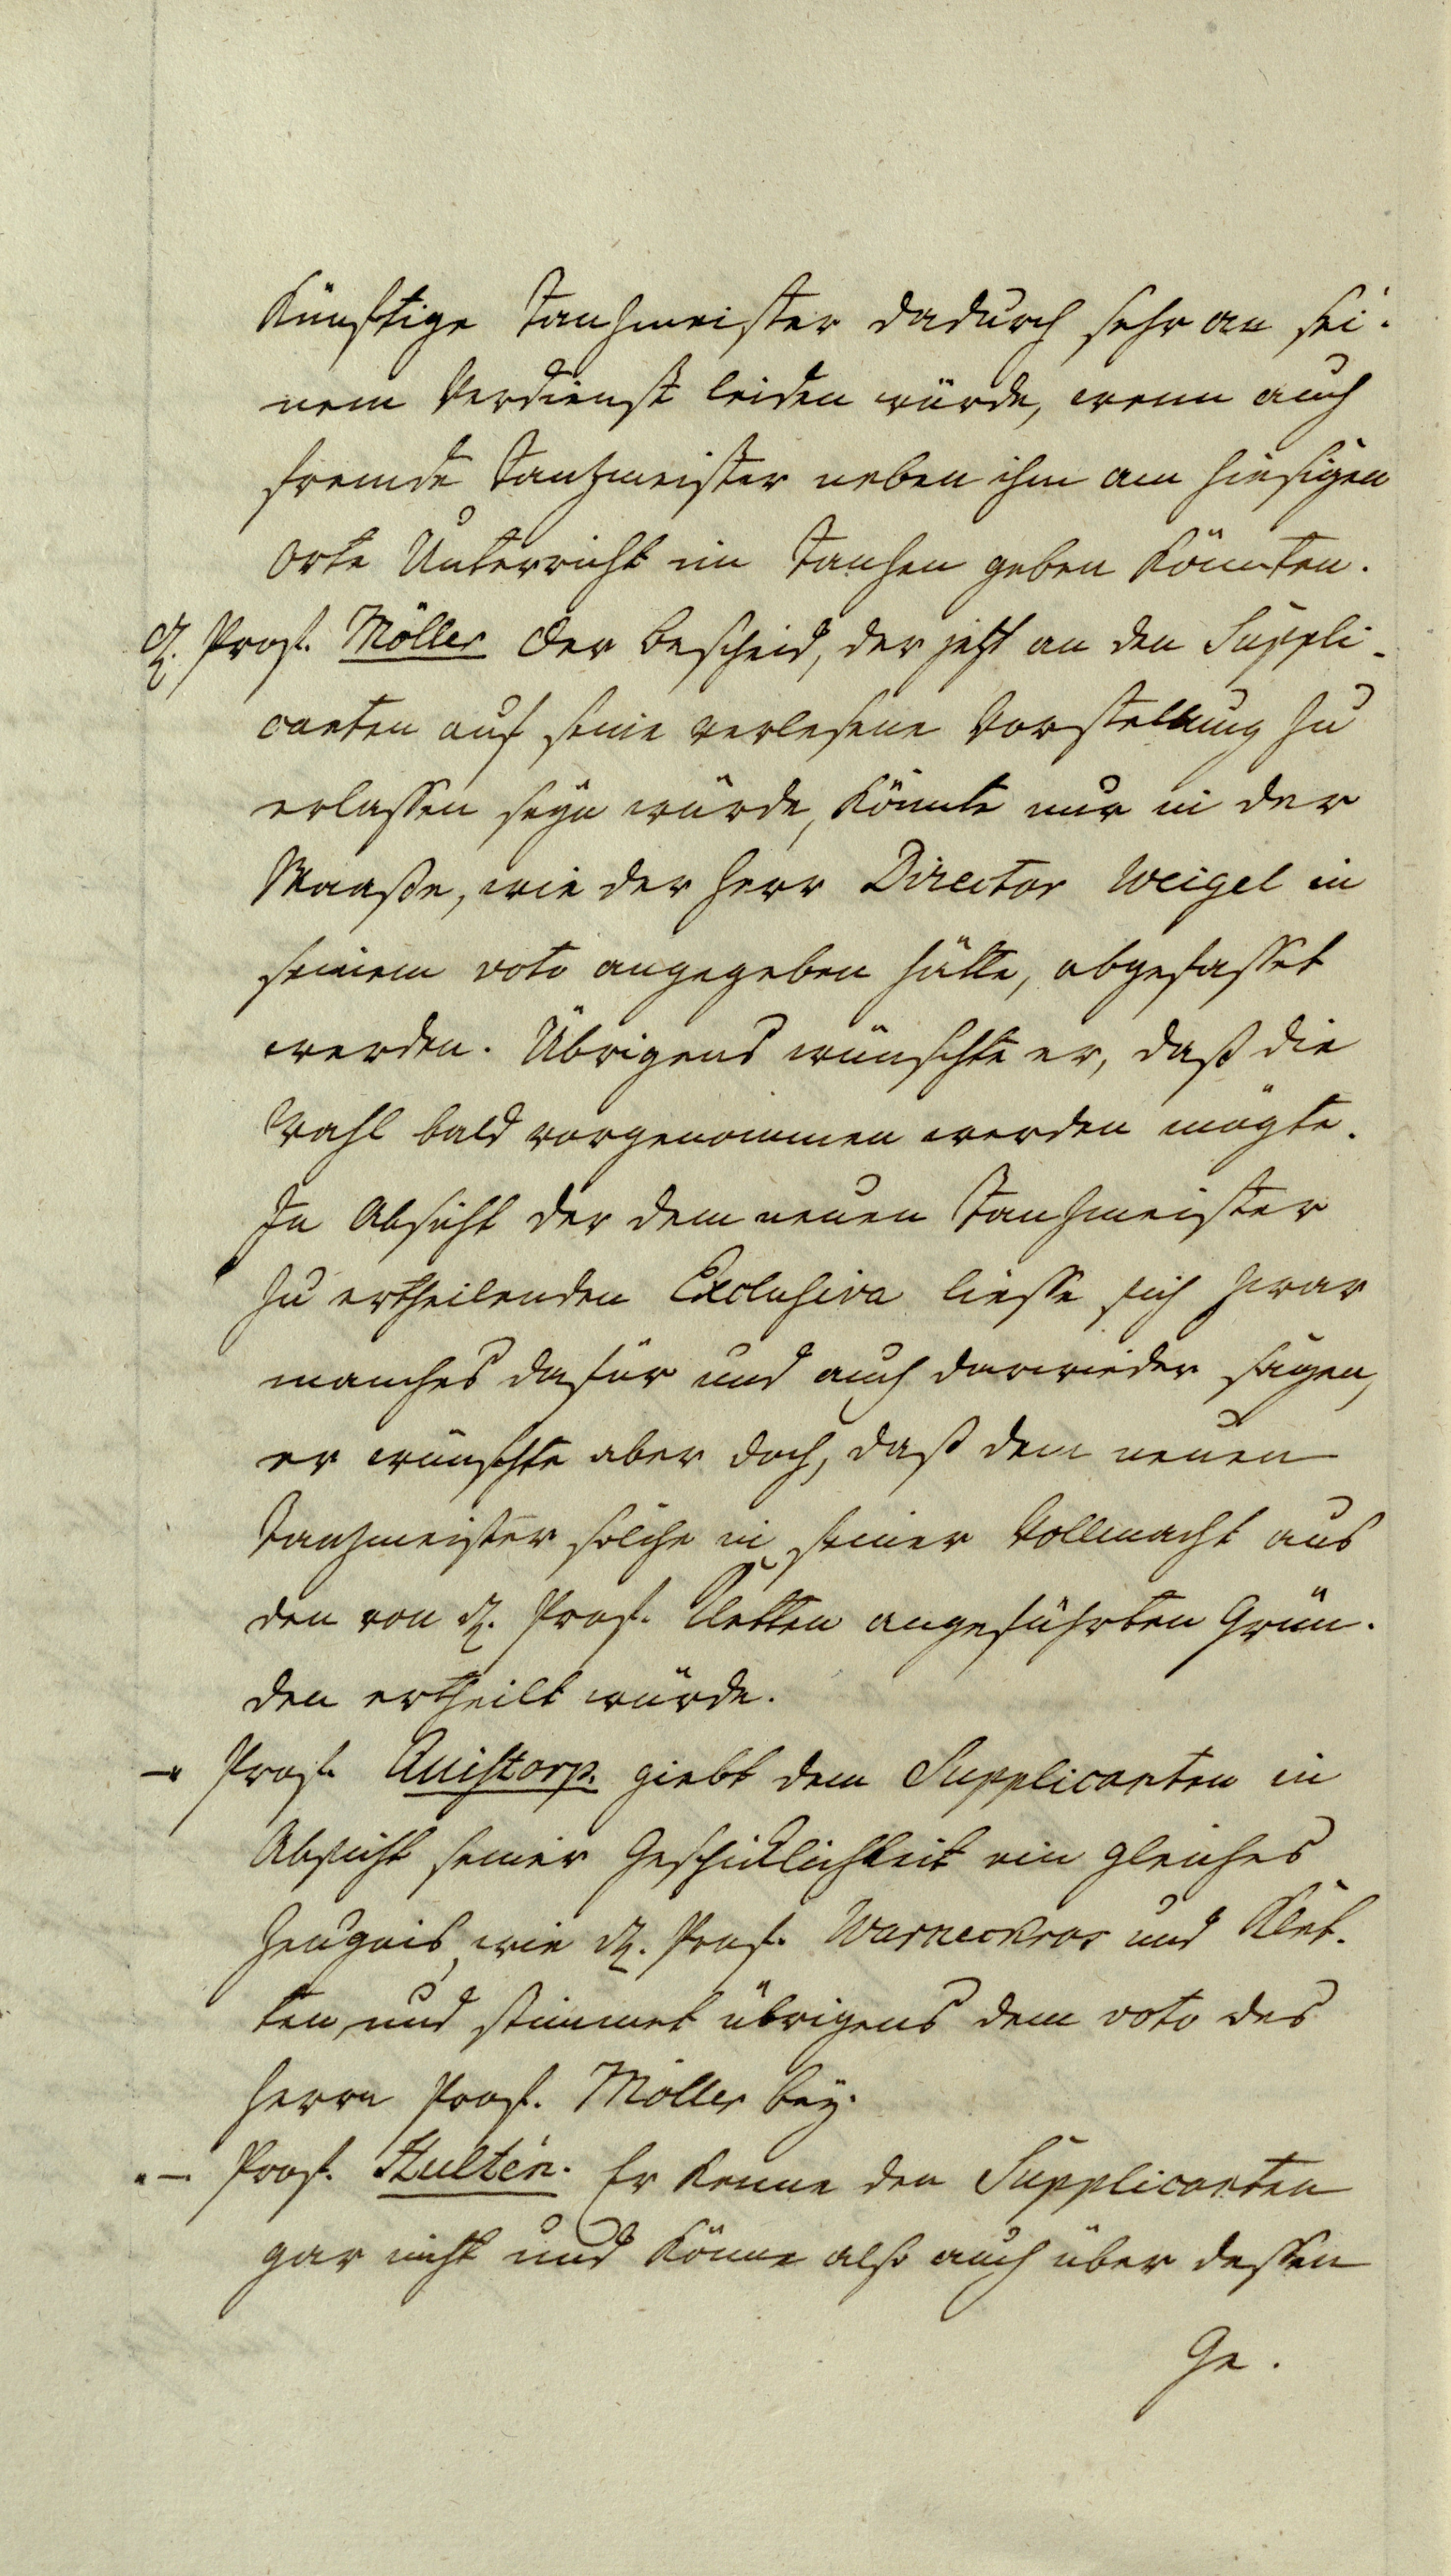künftige Tanzmeister dadurch sehr an sei¬
nem Verdienst leiden würde, wenn auch
fremde Tanzmeister neben ihm am hiesigen
Orte Unterricht im Tanzen geben könnten.
dh. Prof. Möller Der Bescheid, der jetzt an den Suppli¬
canten auf seine verlesene Vorstellung zu
erlassen seÿn würde, könnte nur in der
Maaße, wie der Herr Director Weigel in
seinem voto angegeben hätte, abgestattet
werden. Übrigens wünschte er, daß die
Wahl bald vorgenommen werden mögte.
In Absicht der dem neuen Tanzmeister
zu ertheilenden Exclusiva liesse sich zwar
manches dafür und auch darwieder sagen,
er wünschte aber doch, daß dem neuen
Tanzmeister solche in seiner Vollmacht aus
den von dh. Prof. Kletten angeführten Grün¬
den ertehilt würde.
— " Prof. Quistorp. giebt dem Supplicanten in
Absicht seiner Geschicklichkeit ein gleiches
Zeugnis, wie dh. Prof. Warneckros und Klet¬
ten und stimmet übrigens dem voto des
Herrn Prof. Möller beÿ.
" — . Prof. Hultén. Er kenne den Supplicanten
gar nicht und könne also auch über dessen
Ge¬